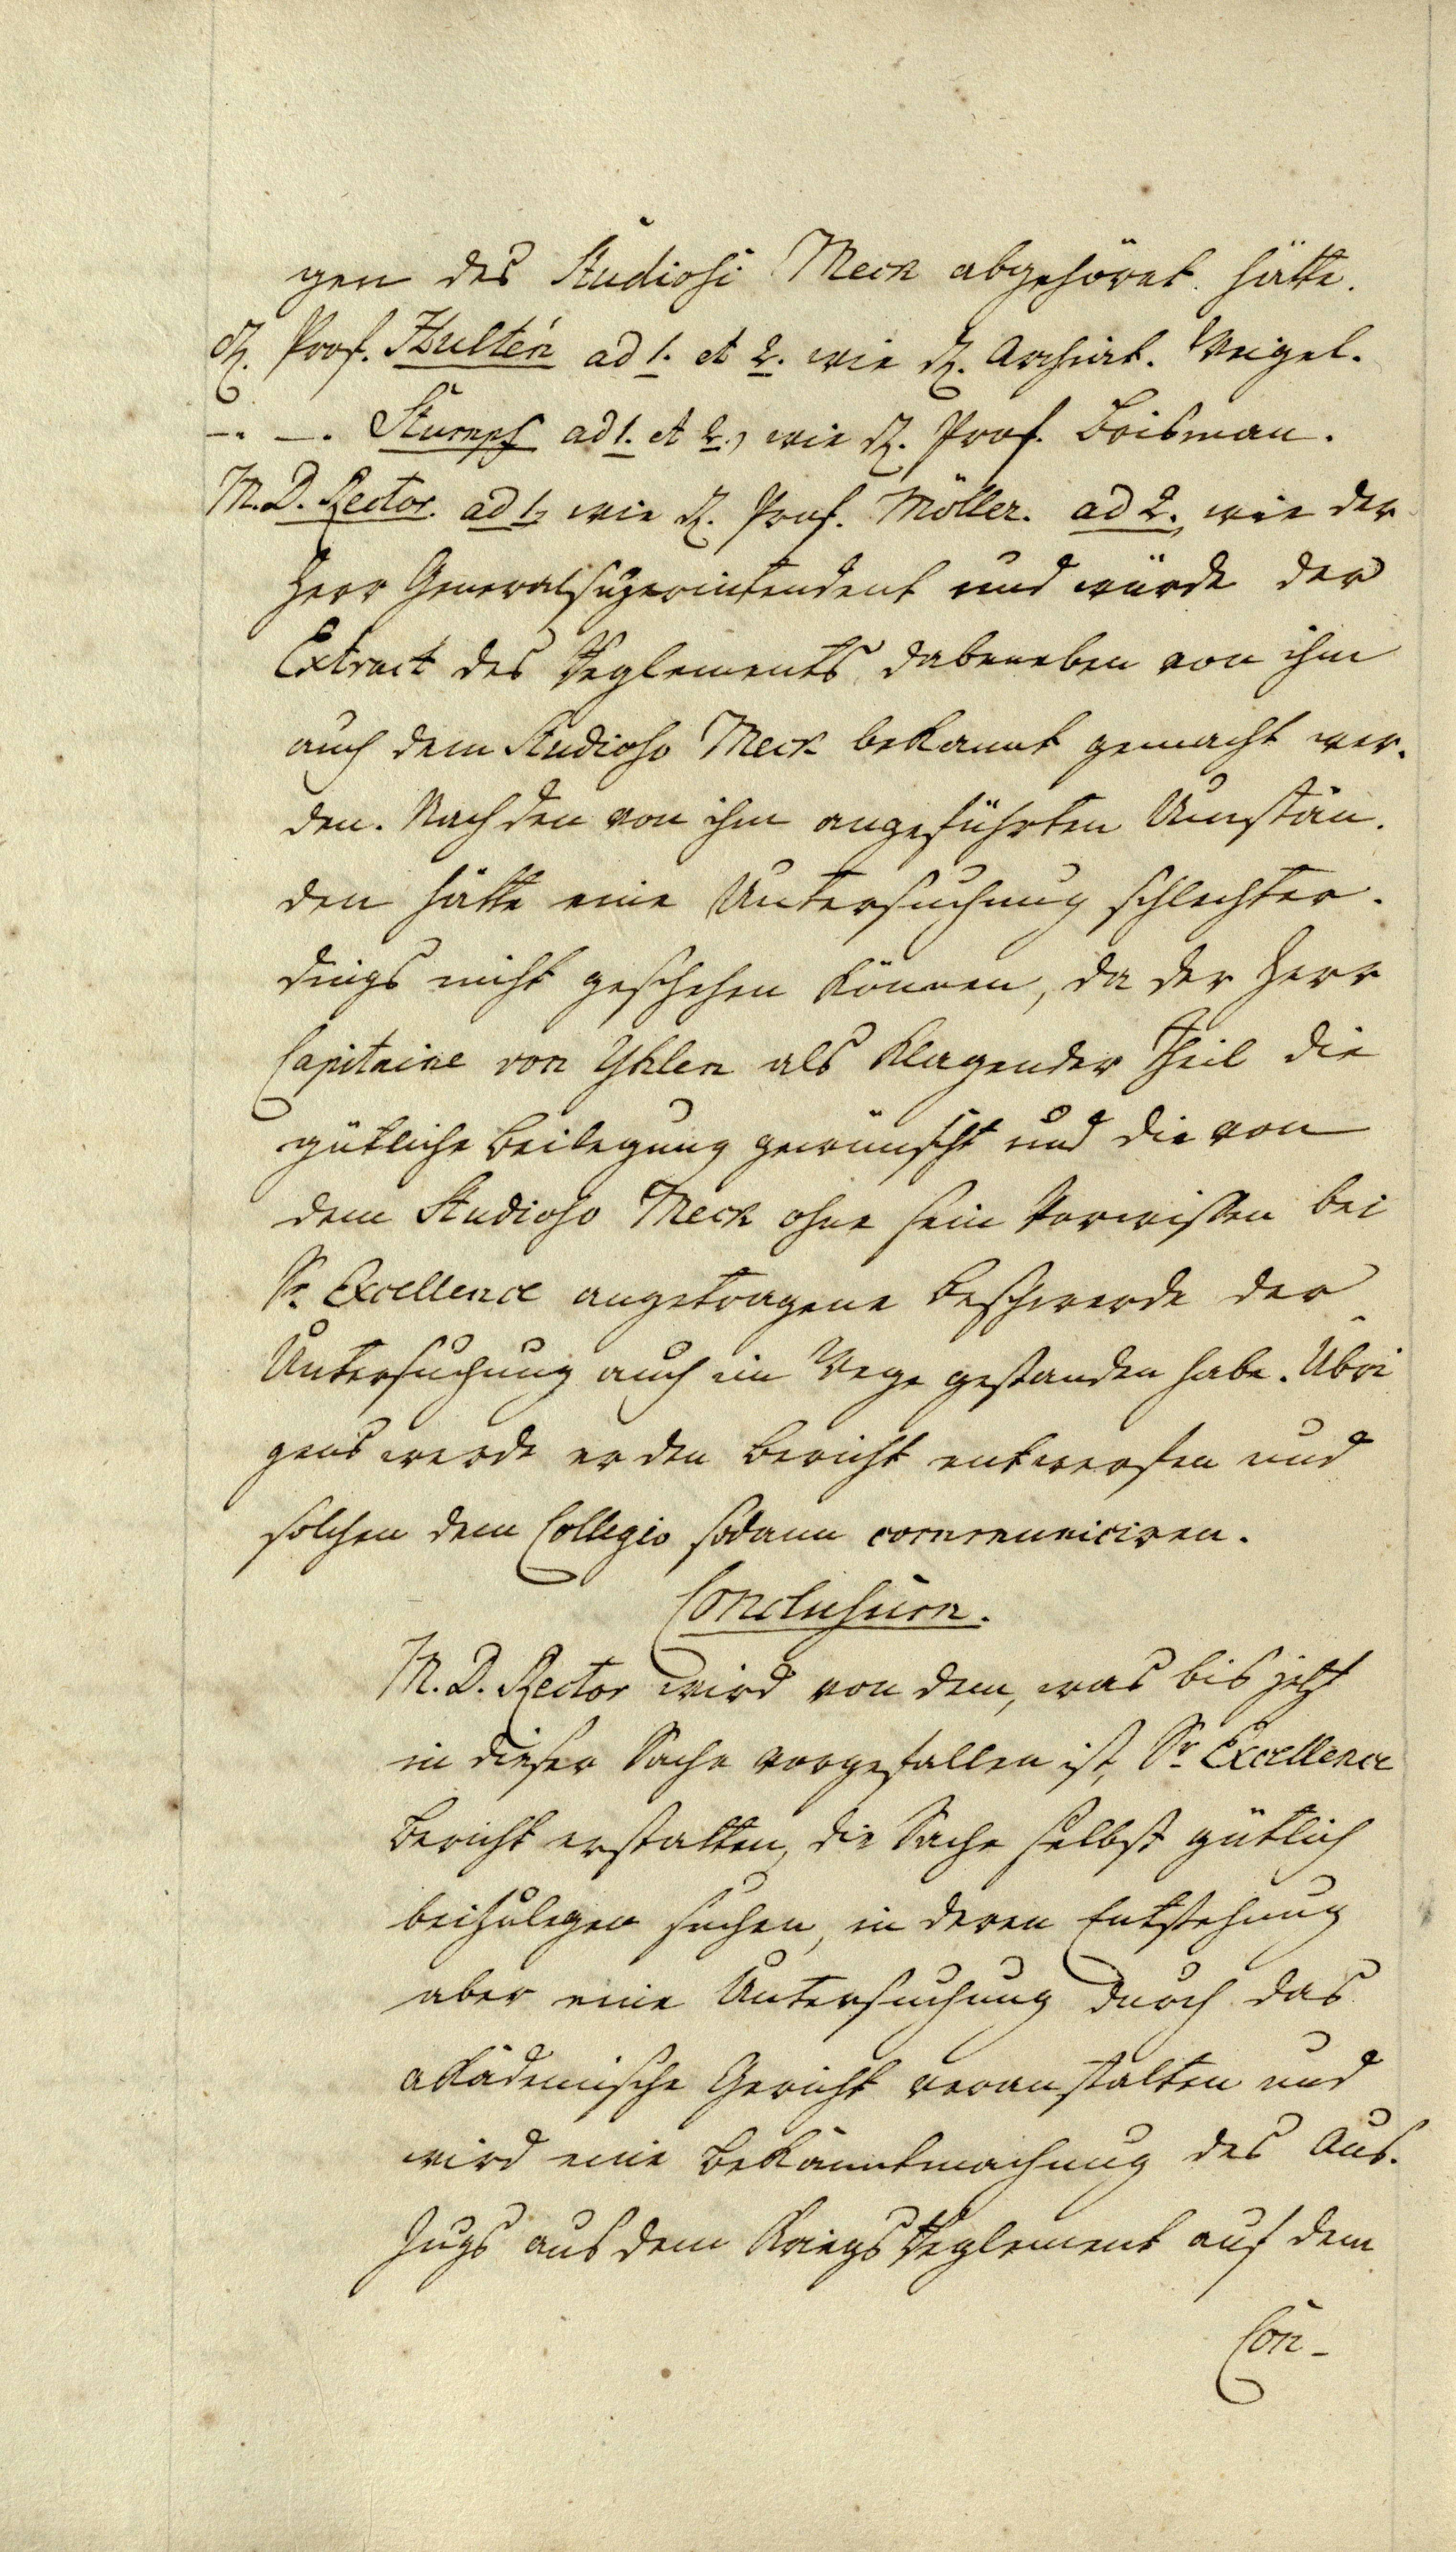gen des Studiosi Meck abgehöret hätte.
dh. Prof. Hultén ad 1. et 2. wie dh. Archiat. Weigel.
Stumpf ad 1. et 2., wie dh. Prof. Brisman
M. D. Rector. ad 1. wie dh. Prof. Möller. ad 2., wie der
Herr Generalsuperintendent und würde der
Extract des Reglements dabeneben von ihm
auch dem Studioso Meck bekannt gemacht wer¬
den. Nach den von ihm angeführten Umstän¬
den hätte eine Untersuchung schlechter¬
dings nicht geschehen können, da der Herr
Capitaine von Ÿhlen als Klagender Theil die
gütliche Beilegung gewünscht und die von
dem Studioso Meck ohne sein Vorwissen bei
Sr Excellence angetragene Beschwerde der
Untersuchung auch im Wege gestanden habe. Übri¬
gens werde er den Bericht entwerfen und
solchen dem Collegio sodann communiciren.
Conclusum.
M. D. Rector wird von dem, was bis jetzt
in dieser Sache vorgefallen is,t Sr Excellence
Bericht erstatten, die Sache selbst gütlich
beizulegen suchen, in deren Entstehung
aber eine Untersuchung durch das
akademische Gericht veranstalten und
wird eine Bekanntmachung des Aus¬
zugs aus dem KriegsReglement auf dem
Con¬